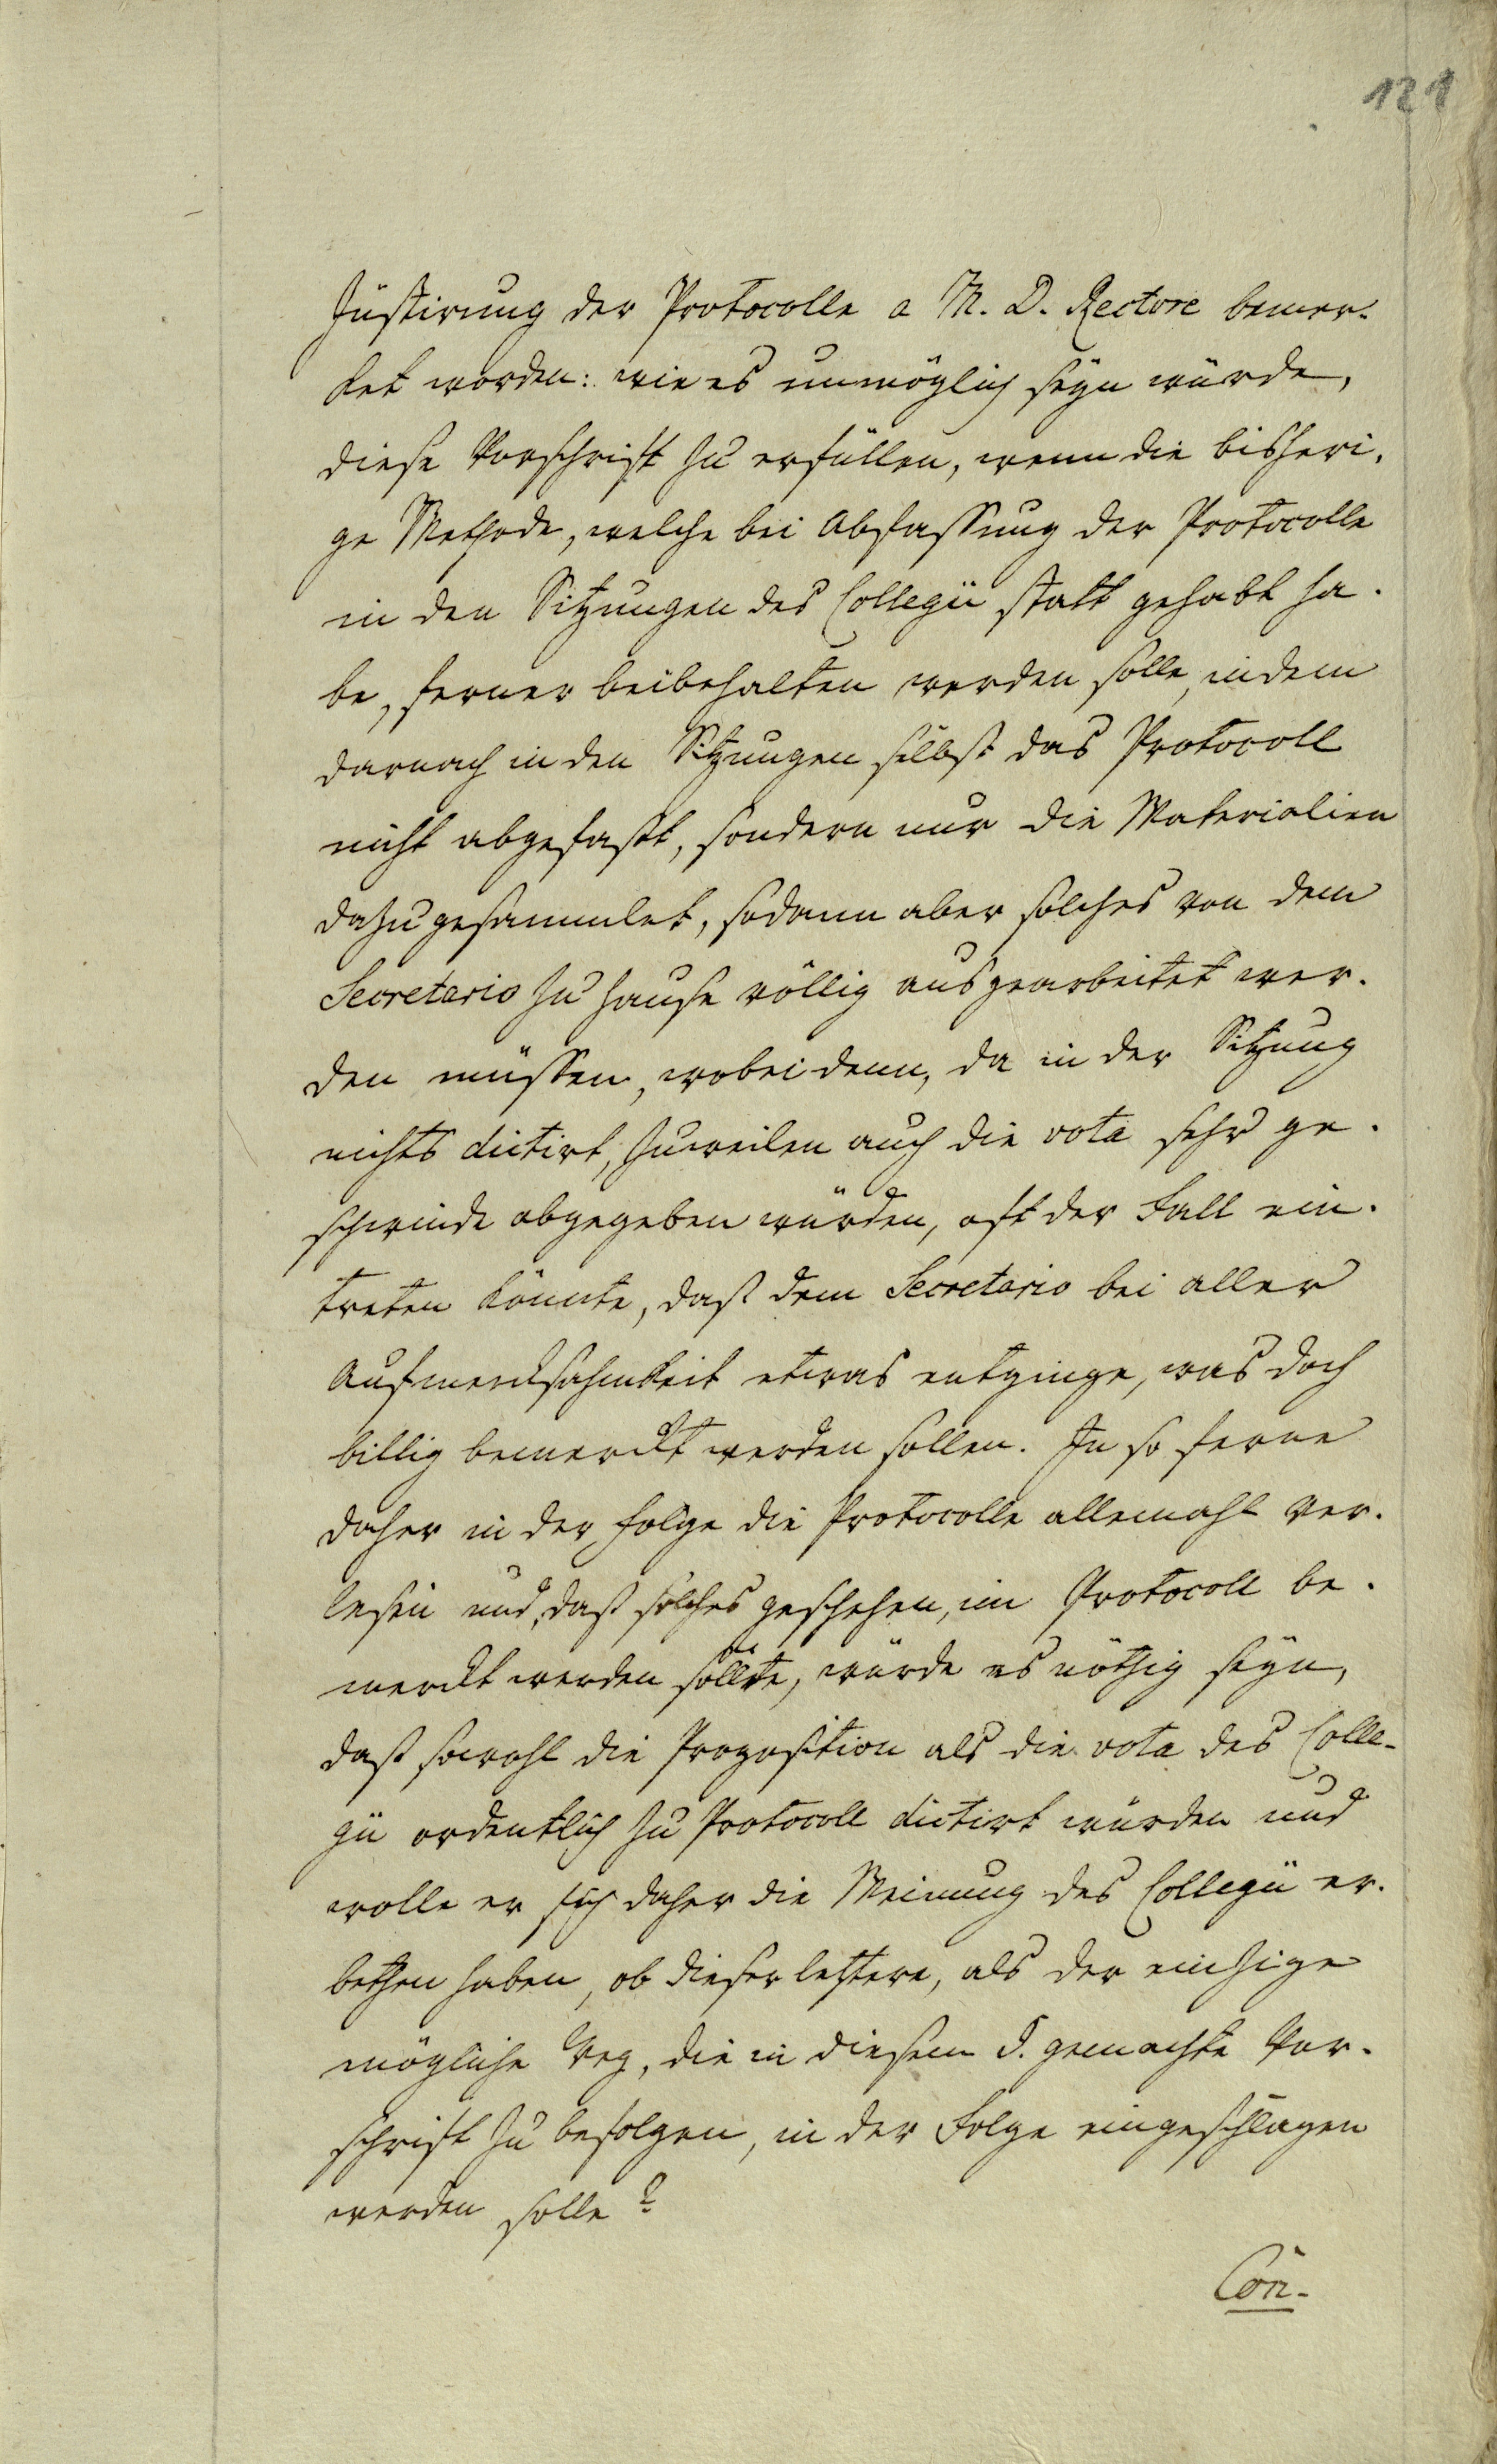Jüstirung der Protocolle a M. D. Rectore bemer¬
ket worden: wie es unmöglich seÿn würde,
diese Vorschrift zu erfüllen, wenn die bisheri¬
ge Methode, welche bei Abfassung der Protocolle
in den Sitzungen des Collegii statt gehabt ha¬
be, ferner beibehalten werden solle, indem
darnach in den Sitzungen selbst das Protocoll
nicht abgefaßt, sondern nur die Materialien
dazu gesammlet, sodann aber solches von dem
Secretario zu hause völlig ausgearbeitet wer¬
den müssten wobei denn, da in der Sitzung
nichts dictirt, zuweilen auch die vota sehr ge¬
schwinde abgegeben würden, oft der Fall ein¬
treten könnte, daß dem Secretario bei aller
Aufmercksahmkeit etwas entginge, was doch
billig bemerckt werden sollen. In so ferne
daher in der Folge die Protocolle allemahl ver¬
lesen und, daß solches geschehen, im Protocoll be¬
merckt werden sollte, würde es nöthig seÿn,
daß sowohl die Proposition als die vota des Colle¬
gii ordentlich zu Protocoll dictirt würden und
wolle er sich daher die Meinung des Collegii er¬
bethen haben, ob dieser letztere, als der einzige
mögliche Weg, die in diesem §. gemachte Vor-
schrift zu befolgen, in der Folge eingeschlagen
werden solle?
Con.